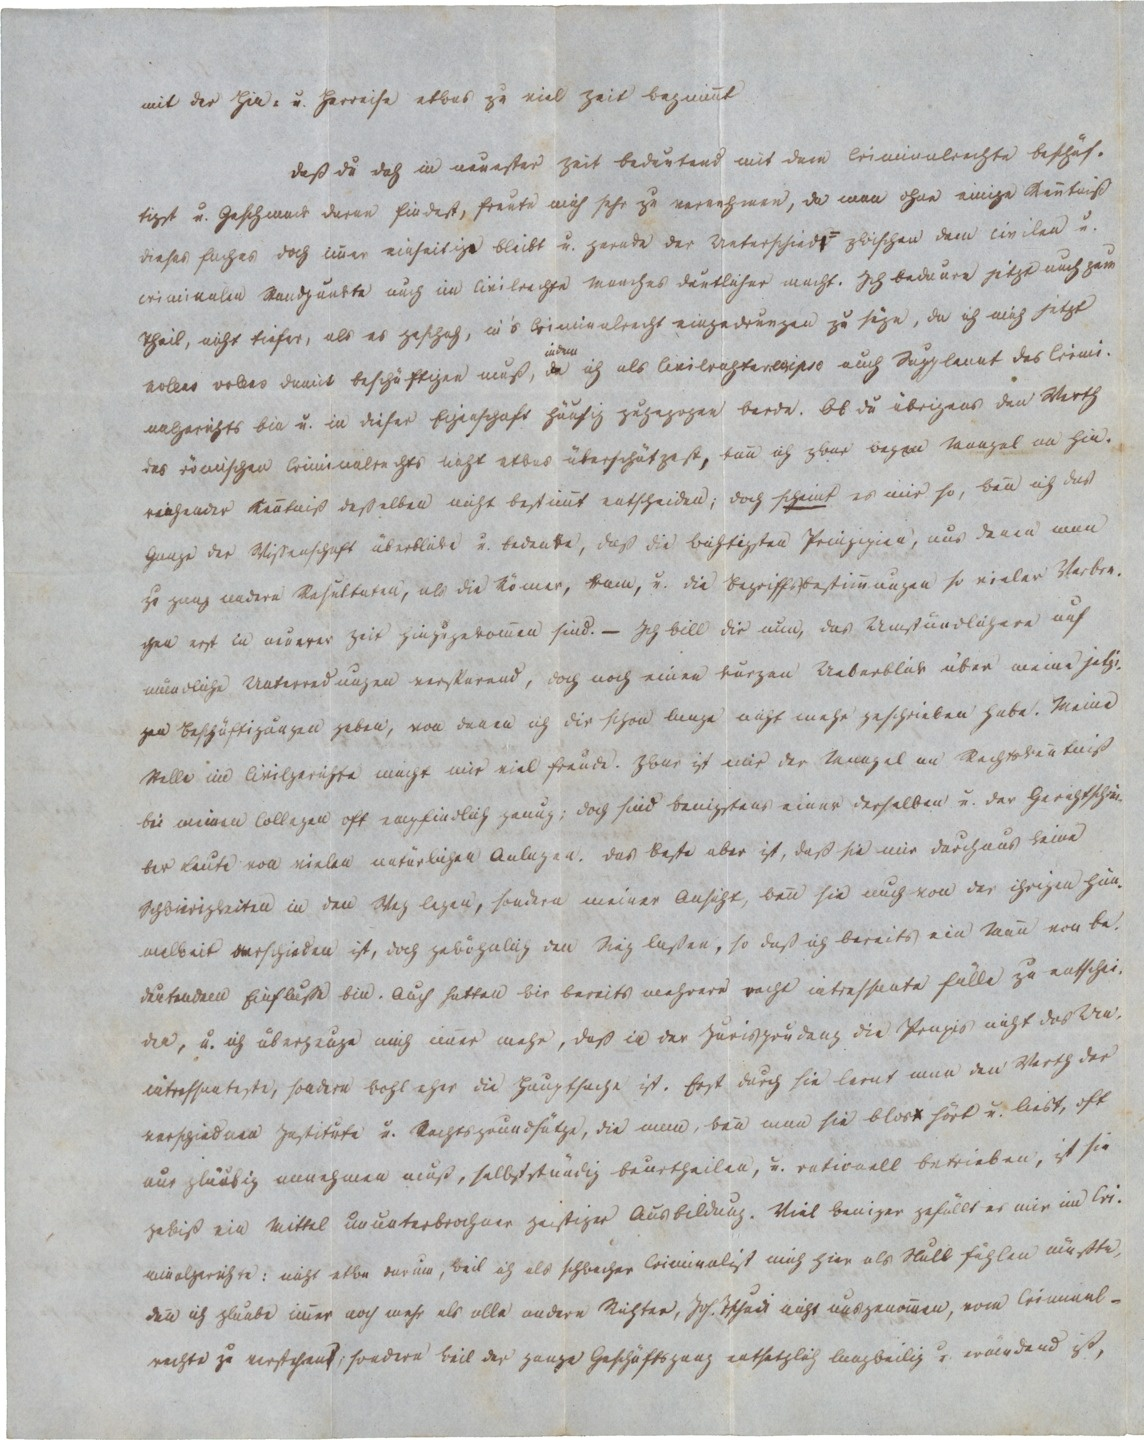mit der Hin- und Herreise etwas zu viel Zeit wegnimmt.
Daß du dich in neuester Zeit bedeutend mit dem Criminalrechte beschäf-
tigst u. Geschmack daran findest, freute mich sehr zu vernehmen, da man ohne einige Kenntniß
dieses Faches doch immer einseitig bleibt u. gerade der Unterschied zwischen dem civilen u.
criminalen Standpunkte auch im Civilrechte Manches deutlicher macht. Ich bedaure jetzt auch zum
Theil, nicht tiefer, als es geschah, in's Criminalrecht eingedrungen zu seyn, da ich mich jetzt
nolens volens damit beschäftigen muß, daindem ich als Civilrichter eo ipso auch Suppleant des Crimi-
nalgerichts bin u. in dieser Eigenschaft häufig zugezogen werde. Ob du übrigens den Werth
des römischen Criminalrechts nicht etwas überschätzest, kann ich zwar wegen Mangel an hin-
reichender Kenntniß desselben nicht bestimmt entscheiden; doch scheint es mir so, wenn ich das
Ganze der Wissenschaft überblicke u. bedenke, daß die wichtigsten Prinzipien, aus denen man
zu ganz andern Resultaten, als die Römer, kam, u. die Begriffsbestimmungen so vieler Verbre-
chen erst in neuerer Zeit hinzugekommen sind. – Ich will dir nun, das Umständlichere auf
mündliche Unterredungen versparend, doch noch einen kurzen Ueberblick über meine jetzi-
gen Beschäftigungen geben, von denen ich dir schon lange nicht mehr geschrieben habe. Meine
Stelle im Civilgerichte macht mir viel Freude. Zwar ist mir der Mangel an Rechtskenntniß
bei meinen Collegen oft empfindlich genug; doch sind wenigstens einer derselben u. der Gerichtschrei-
ber Leute von vielen natürlichen Anlagen. Das Beste aber ist, daß sie mir durchaus keine
Schwierigkeiten in den Weg legen, sondern meiner Ansicht, wenn sie auch von der ihrigen him-
melweit verschieden ist, doch gewöhnlich den Sieg lassen, so daß ich bereits ein Mann von be-
deutendem Einflusse bin. Auch hatten wir bereits mehrere recht intressante Fälle zu entschei-
den, u. ich überzeuge mich immer mehr, daß in der Jurisprudenz die Praxis nicht das Un-
intressanteste, sondern wohl eher die Hauptsache ist. Erst durch sie lernt man den Werth der
verschiednen Institute u. Rechtsgrundsätze, die man, wenn man sie blos hört u. liest, oft
nur gläubig annehmen muß, selbständig beurtheilen, u. rationell betrieben, ist sie
gewiß ein Mittel ununterbrochner geistiger Ausbildung. Viel weniger gefällt es mir im Cri-
minalgerichte: nicht etwa darum, weil ich als schwacher Criminalist mich hier als Null fühlen müßte,
denn ich glaube immer noch mehr als alle andern Richter, Joh. Tschudi nicht ausgenommen, vom Criminal-
rechte zu verstehen, sondern weil der ganze Geschäftsgang entsetzlich langweilig u. ermüdend ist,